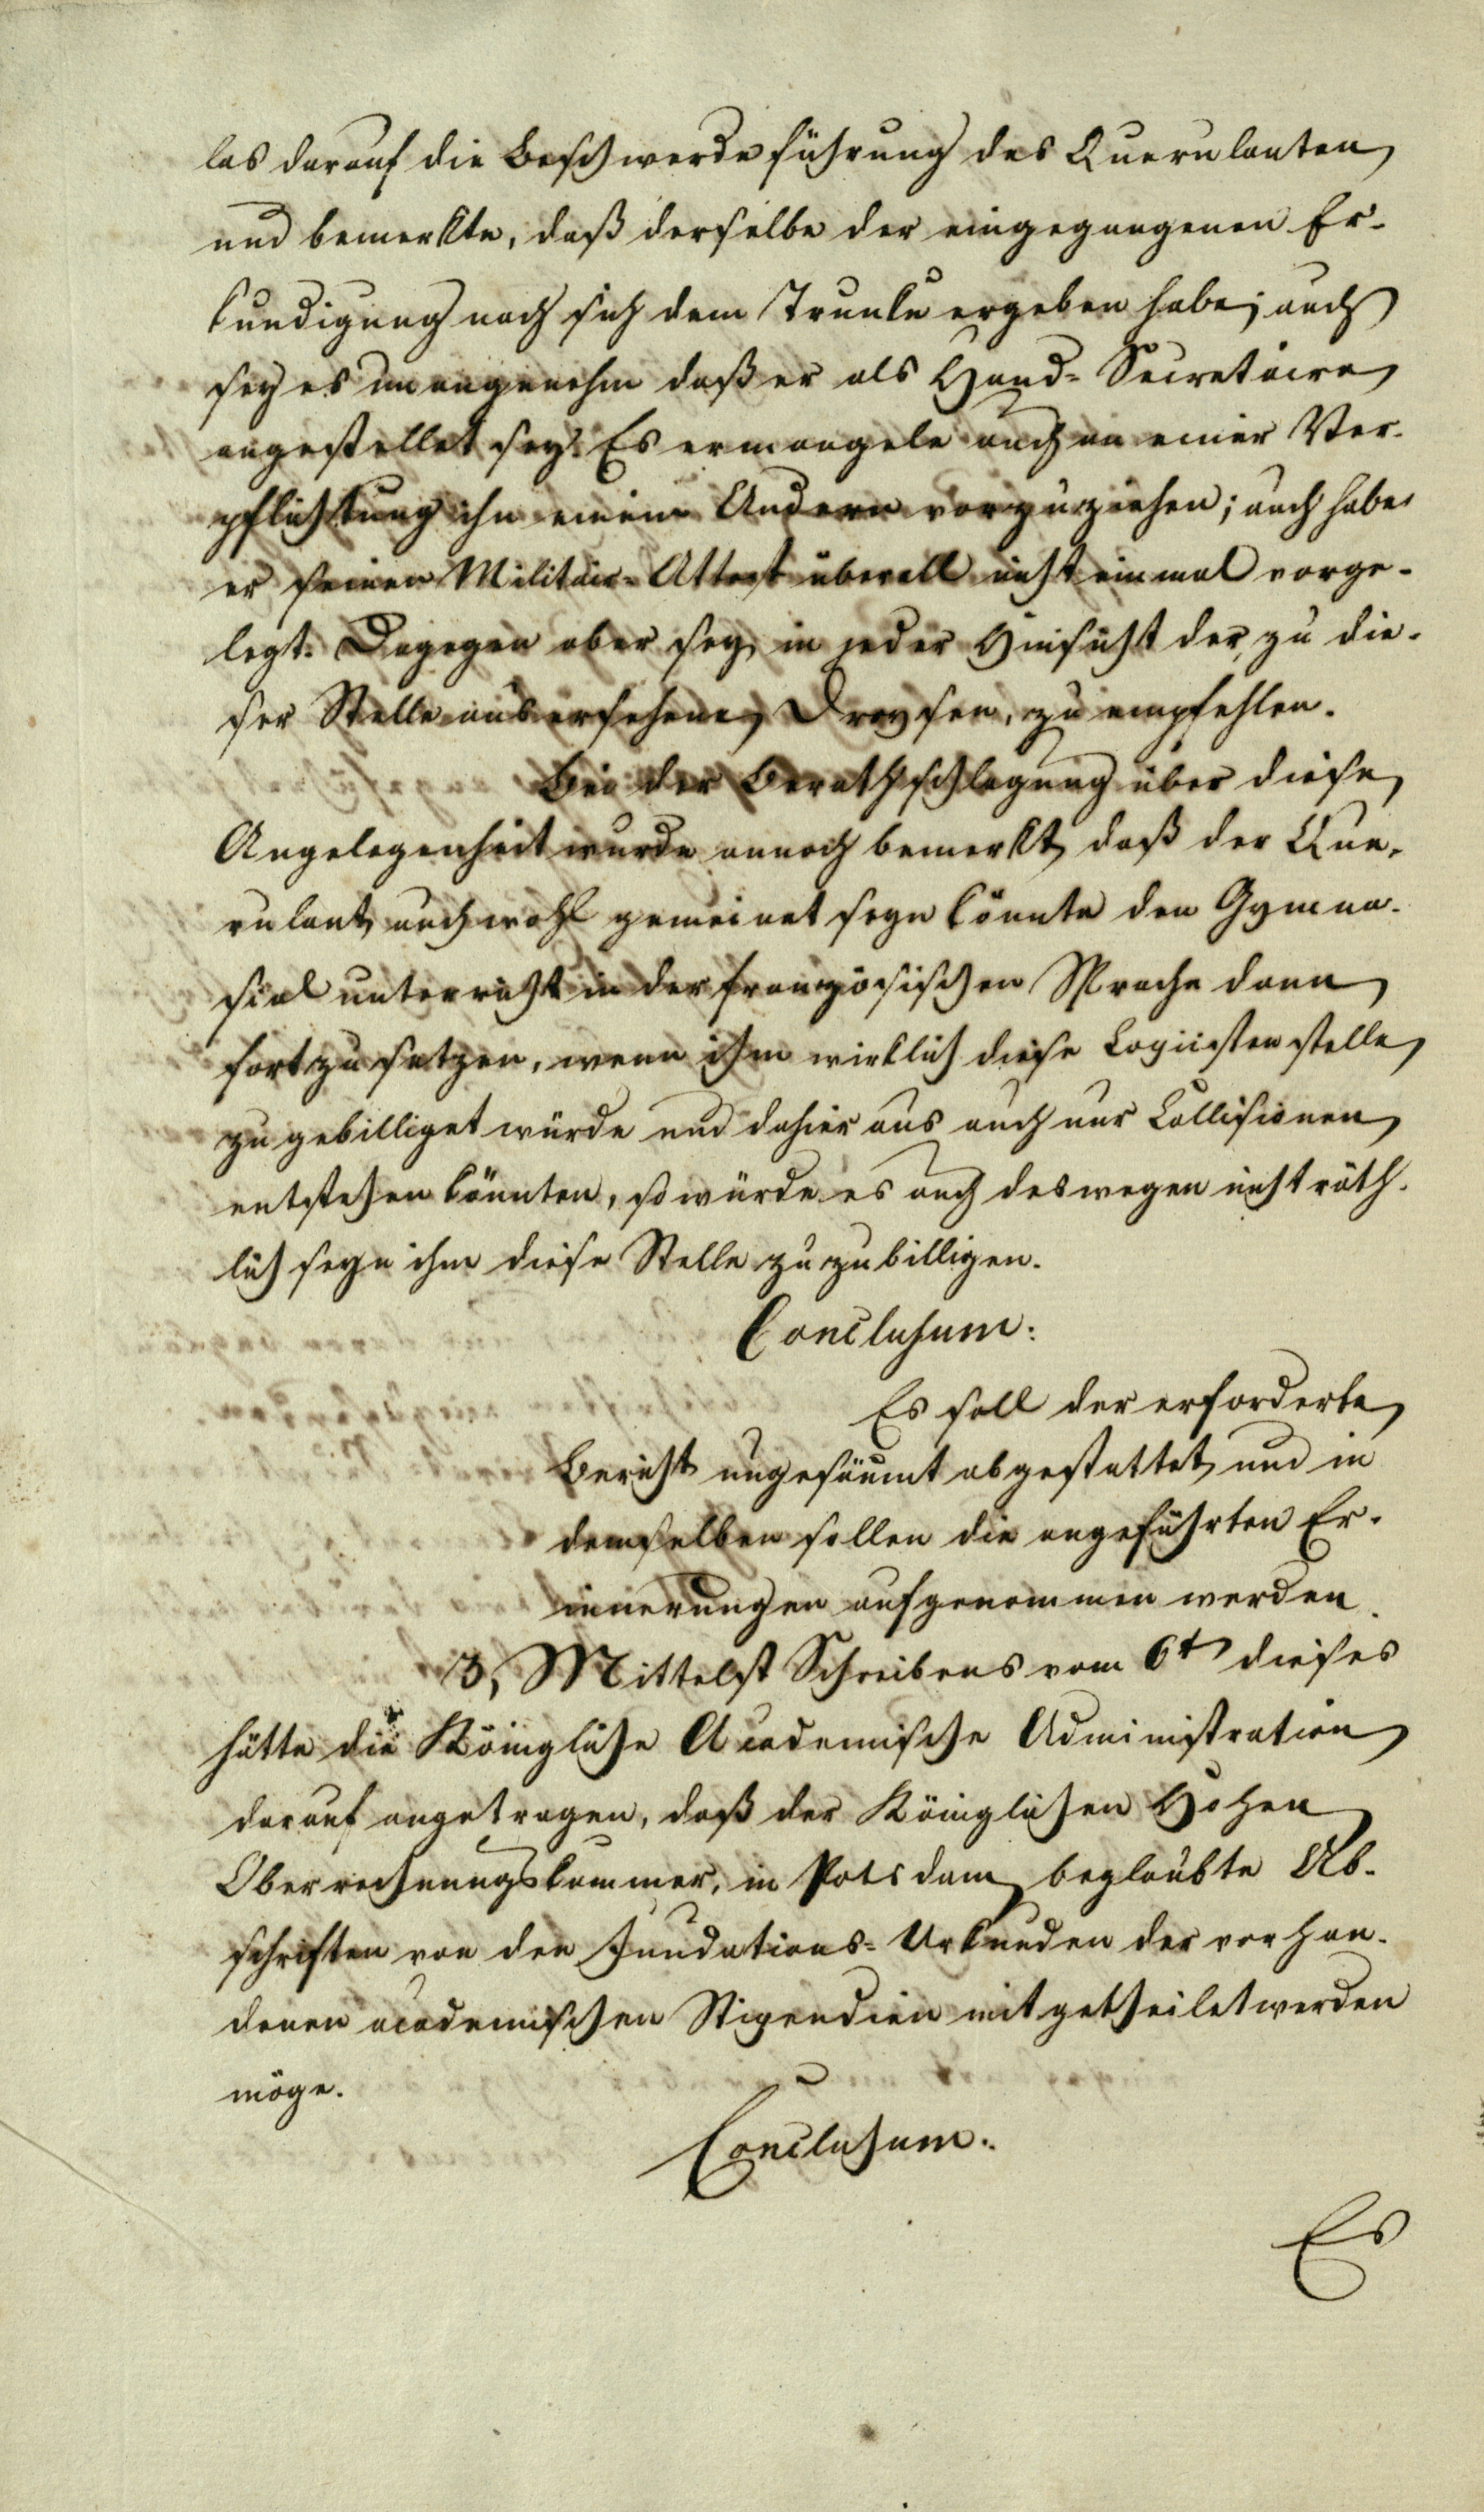las darauf die Beschwerdeführung das Querulanten
und bemerkte, daß derselbe der eingegangenen Er¬
kundigung nach sich dem Trunke ergeben habe, auch
sey es unangenehm, daß er als Hand- Secretaire
angestellet sey Es ermangele auch an einer Ver¬
pflichtung ihn einem Andern vorzuziehen; auch habe
er seinen Militair- Attest überall nicht einmal vorge¬
legt. Dagegen aber sey, in der Hinsicht der zu die¬
ser Stelle ausersehene Droysen, zu empfehlen.
Bei der Berathschlagung über diese,
Angelegenheit wurde annoch bemerkt, daß der Que¬
rulant, auch wohl gemeinet seyn könnte den Gymna¬
sialunterricht in der französischen Sprache dann
fortzusetzen, wenn ihm wirklich diese Copiistenstelle
zugebilliget würde und dahier aus auch nur Collisionen
entstehen könnten, so würde es auch deswegen nicht räth¬
lich seyn ihm diese Stelle zu zubilligen.
Conclusum:
Es soll der erforderte
Bericht ungesäumt abgestattet und in
demselben sollen die angeführten Er¬
innerungen aufgenommen werden.
3, Mittelst Schreibens vom 6 te dieses
hätte das Köngliche Academische Administration
darauf angetragen, daß der Königlichen Hohen
Oberrechnungskammer, in Potsdam beglaubte Ab¬
schriften von den Fundations Urkanden der vorhan¬
denen academischen Stipendien mitgetheilet werden
möge.
Conclusum:
Es